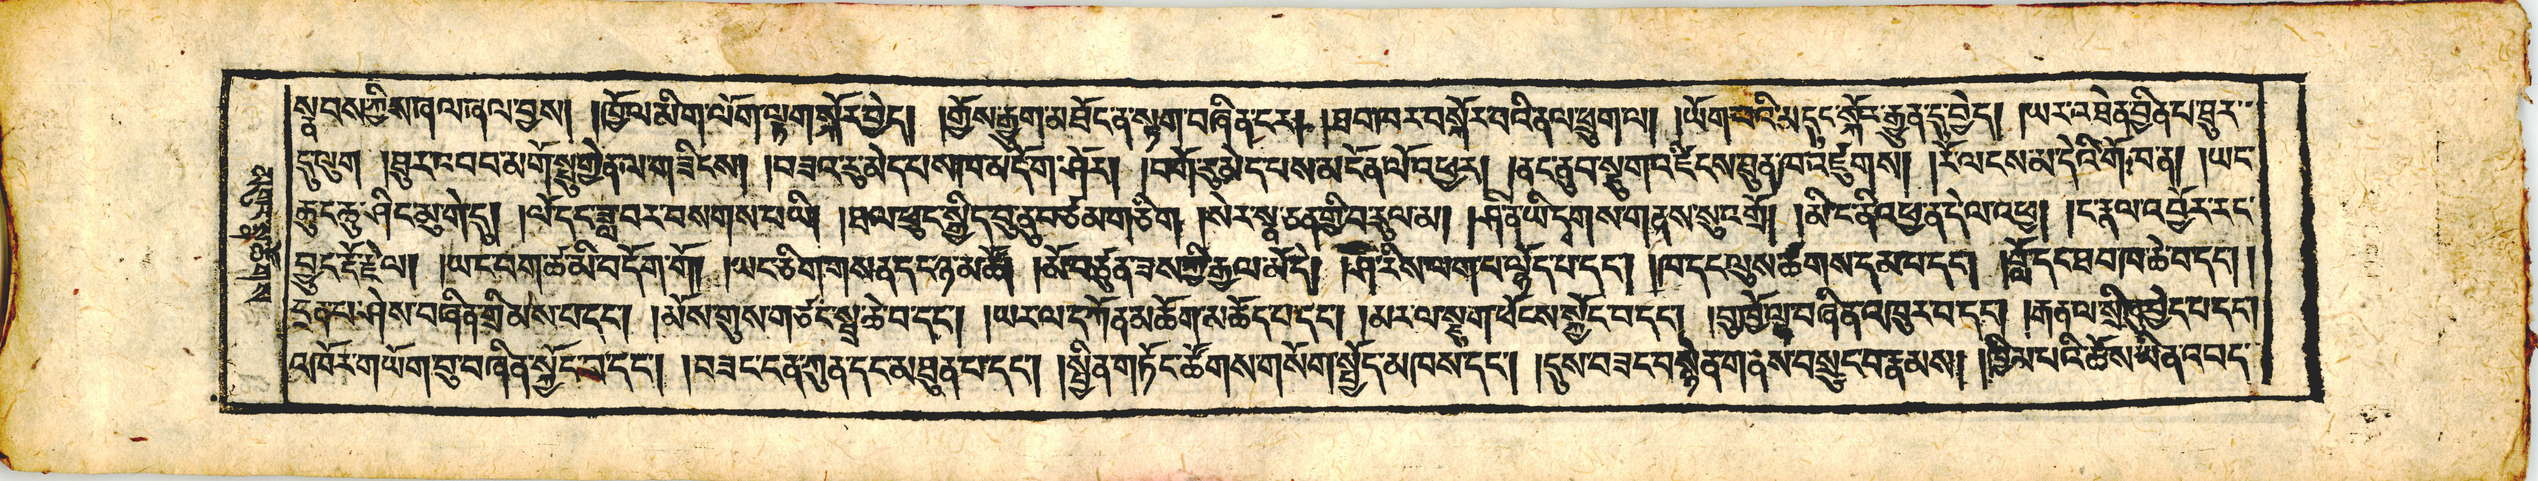སྣབས་ཀྱིས་ཞལ་ཞལ་བྱས། །ཁྱོ་ལ་མིག་ལོག་ལྟག་སྐོར་བྱེད། །གྱོས་རྒྱུག་མཐོང་ན་སྟག་བཞིན་ངར། །ཐབ་ཁར་བསྐོར་བའི་ནལ་ཕྲུག་ལ། །ཡོག་བའི་མདུང་སྐོར་རྒྱུན་དུ་བྱེད། །ཡར་འཐེན་བྱིན་པ་ཐུར་
དུ་ལུག །ཐུར་འབབ་མགོ་སྤུ་གྱེན་ལ་གཟིངས། །བཟའ་རུ་མེད་པས་ཁ་མདོག་ཤོར། །བགོ་རུ་མེད་པས་མངོན་ལོ་འཕྱར། །ནང་ནུབ་སྡུག་འཛིངས་ཐུན་ཁ་འཛུགས། །རོ་ལངས་མ་དེའི་གོ་ཁ་ན། །ཡང་
ཆུང་ཆུ་ཤིང་མུ་གེ་དུ། །ལོ་དང་ཟླ་བར་བསགས་པ་ཡི། །ཐལ་ཕུང་སྒྱེད་པུ་ནུབ་ཙམ་གཅིག ། སེར་སྣ་ཅན་གྱི་བ་རུལ་མ། ཤི་ན་ཡི་དྭགས་གནས་སུ་འགྲོ། །མི་ང་ནི་འཕྱ་ན་དེ་ལ་འཕྱ། །ང་རྣལ་འབྱོར་རང་
བྱུང་རྡོ་རྗེ་ལ། །ཡ་ང་བག་ཚ་མི་བདོག་གོ། །ཡང་ཅིག་གསན་དང་ཉ་མ་ཚོ། །མོ་བཙུན་ཟས་ཀྱི་རྒྱལ་མོ་དེ། །ཤ་རིས་ལག་པ་ལྷོད་པ་དང་། །ཁ་དང་ལུས་ཚགས་དམ་པ་དང་། །བློ་དང་ཐབ་ཁ་ཆེ་བ་དང་།།
དྲན་པ་ཤེས་བཞིན་གྲིམས་པ་དང་། །མོས་གུས་གཙང་སྦྲ་ཆེ་བ་དང་། །ཡར་ལ་དཀོན་མཆོག་མཆོད་པ་དང་། །མར་ལ་སྡུག་ཕོངས་སྐྱོང་བ་དང་། །བུ་ཁྱོ་ལྷ་བཞིན་འཁུར་བ་དང། །རྒན་ལ་སྲི་ཞུ་བྱེད་པ་དང་། 
འཁོར་གཡོག་བུ་བཞིན་སྐྱོང་བ་དང་། །བཟང་ངན་ཀུན་དང་མཐུན་པ་དང་། །སྦྱིན་གཏོང་ཚོགས་གསོག་སྤྱོད་མཁས་དང་། །དུས་བཟང་བསྙེན་གནས་བསྲུང་བ་རྣམས། །ཁྱིམ་པའི་ཆོས་ཡིན་འབད་